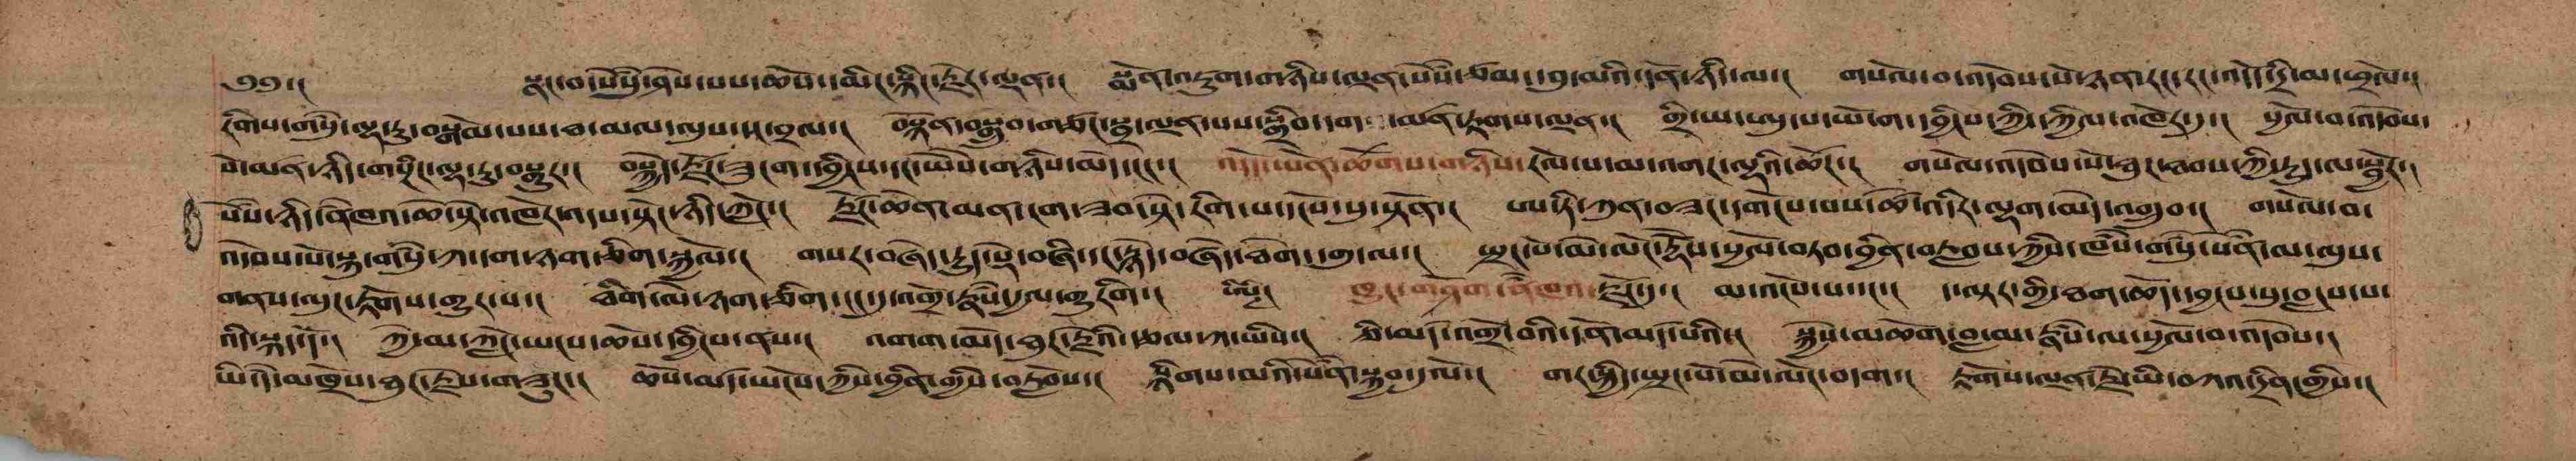༄༅་། སྣང་བ་སེམས་སུ་ཤེས་པས་ཆོས་དམིགས་སྙིང་རྗེར་ལྡན། སྨོན་འཇུག་གཉིས་ལྡན་སེམས་ཙམ་དབུ་མའི་དོན་ཉིད་ལ། གསོལ་བ་འདེབས་སོ་ཉན་རང་རང་འདོད་དྲི་མ་ཕྲོལ། 
རིགས་གསུམ་ལྷ་རུ་བསྒོམས་པས་ཐ་མལ་ལུས་དང་བྲལ། བསྙེན་བསྒྲུབ་གཙང་སྦྲ་ལྡན་པས་སྒྲིབ་དག་མཚན་རྟགས་ལྡན། གྲི་ཡ་ཨུ་པ་ཡོ་ག་དབྱིངས་ཀྱི་དཀྱིལ་འཁོར་དུ། གསོལ་བ་འདེབས་
སོ་མཚན་ཉིད་གསངས་སྔགས་ལྷ་རུ་བསྒྱུར། བསྱེད་རྫོགས་ཟུང་འཇུག་དབྱིངས་དང་ཡེ་ཤེས་གཉིས་མེད་དང་། འདོད་ཡོན་ཚོགས་གཉིས་རོལ་པ་མ་འགགས་ལྷའི་ཚོགས། གསོལ་བ་འདེབས་སོ་ཐུགས་ཐབས་ཀྱི་རྒྱུད་ལ་སྦྱོར། 
སེམས་ཉིད་ནམ་མཁའ་ཆེ་སྟེ་འཁོར་འདས་སྟོང་ཉིད་ཀློང་། རྫོགས་ཆེན་མན་ངག་ཟབ་སྟེ་རིག་པ་དངོས་སུ་སྟོན། ཨ་ཏི་ཀུན་བཟང་དགོངས་པས་ཚེ་འདིར་ལྷག་མེད་འགྲུབ། གསོལ་བ་
འདེབས་སོ་སྐུ་གསུམ་ཀ་དག་ཉག་ཅིག་སྐྱོལ། གསར་བཞེད་རྒྱུད་སྡེ་བཞི་དང་རྙེད་བཞེད་ཐེག་དགུ་ལ། སྤྲང་པོ་མེ་ལོང་རྡོ་རྗེས་གསོལ་བཏབ་བྱིན་བརླབས་ཀྱིས་ཁམས་གསུམ་སེམས་ཅན་མ་ལུས་
གནས་ལུགས་རྟོགས་གྱུར་པ། ཐིག་ལེ་ཉག་ཅིག་ངང་དུ་འགྲོ་རྣམས་རྒྱལ་གྱུར་ཅིག། ཨིཊི། ཁྱུང་གཤོག་ནམ་མཁའ་རྫོང་དུ། མ་འོངས་པ་དང་། ད་ལྟར་གྱི་ཐག་ཆོད་དབྱངས་སུ་བླངས་པ་
འདི་སྐད་དོ། ཀྱེ་མ་ཀློང་ཡངས་ཆོས་དབྱིངས་ནས། འགག་མེད་ཐུགས་རྗེའི་རྩལ་ཀ་ཡིས། ཅི་མཛད་འགྲོ་བའི་དོན་མཛད་པའི། སྐྱེས་མཆོག་བླ་མ་རྣམས་ལ་གསོལ་བ་འདེབས། 
ཡི་དམ་མཁའ་འགྲོས་ཐུགས་རྗེས་གཟུང་། ཆོས་མཛད་ཡོངས་ཀྱིས་བྱིན་གྱིས་བརློབས། སྙིགས་མའི་སེམས་ཅན་སྐྱབས་དུ་གསོལ། གར་སྐྱིད་སྤྲང་པོ་མེ་ལོང་བདག། རྟོགས་ལྡན་རྗེ་ཡི་བཀའ་དྲིན་གྱིས།